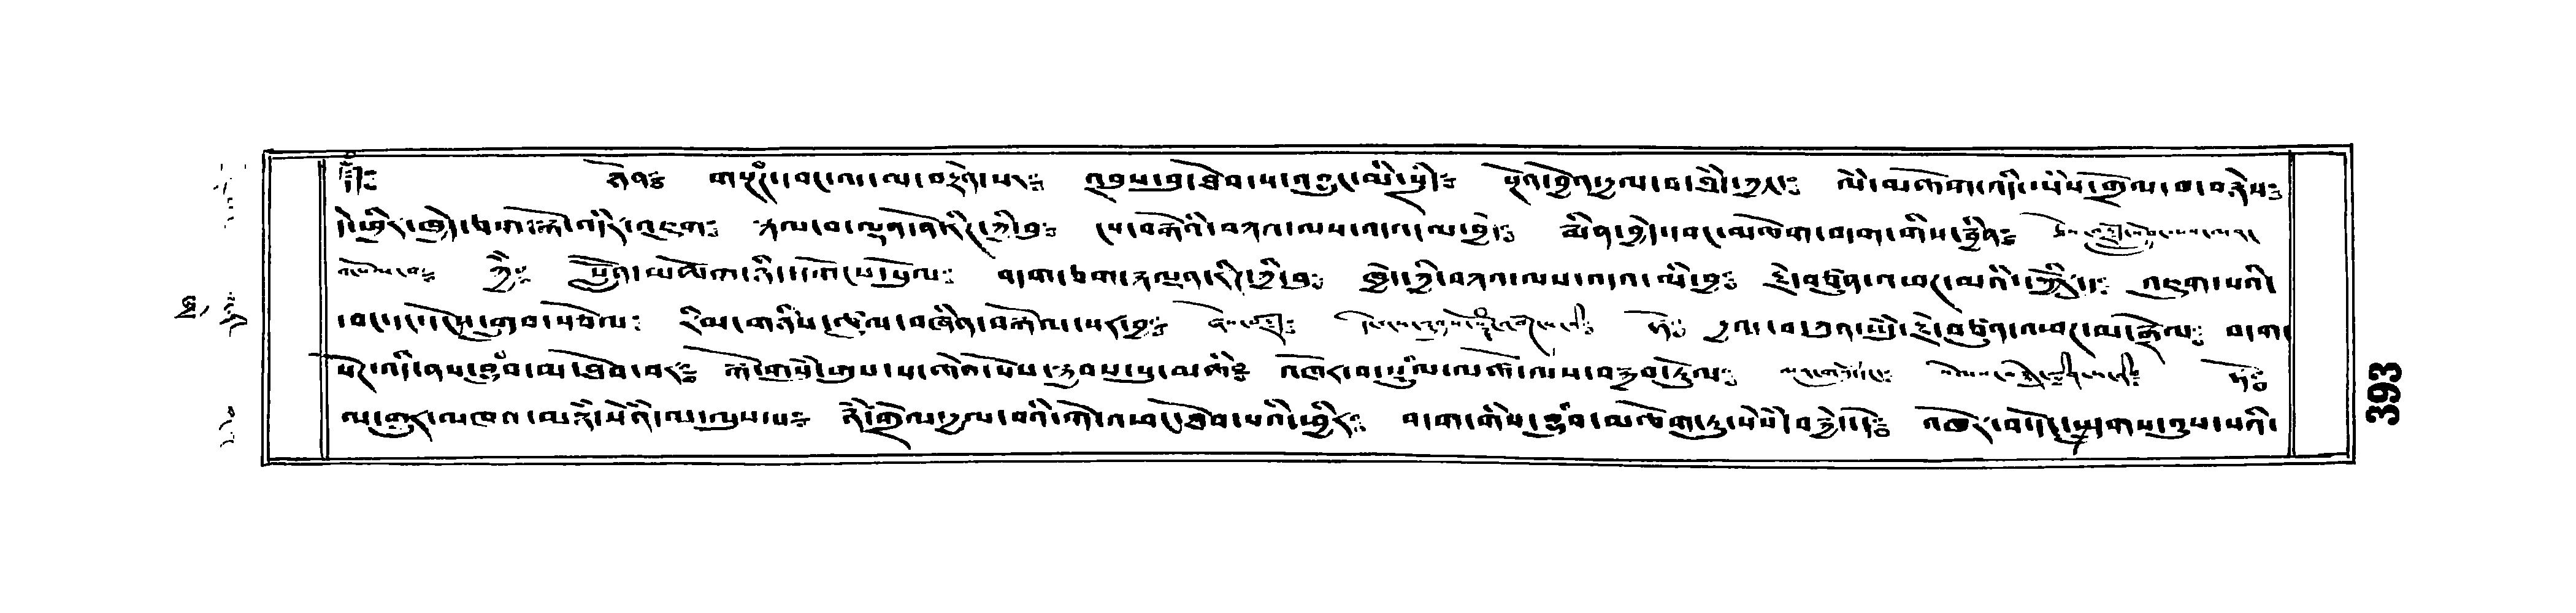ཉོན༔ གསང་སྔགས་དབང་ལ་མ་བརྟེན་པར༔ འབྲས་བུ་ཐོབ་པ་འབྱུང་མི་སྲིད༔ སྔོན་བྱོན་རྒྱལ་བ་ཐམས་ཅད་ཀྱང༔ ལམ་མཆོག་འདི་ཡིས་གྲོལ་བ་བརྙེས༔ 
དེ་ཕྱིར་ཁྱེད་ཅག་སྒོ་འདིར་འཇུགཿ སྐལ་བ་ལྡན་ནོ་རིགས་ཀྱི་བུ༔ ངས་བསྒོའི་བཀའ་ལས་འདའ་མ་བྱེད༔ སྨིན་བྱེད་དབང་མཆོག་བདག་གིས་སྦྱིན༔ ཅེས་བརྗོད་སློབ་མས་ལན་
གསོལ་བ༔ ཀྱཻ༔ སློབ་དཔོན་མཆོག་ཉིད་དགོངས་སུ་གསོལ༔ བདག་ཅག་སྐལ་ལྡན་རིགས་ཀྱི་བུ༔ ཁྱེད་ཀྱི་བཀའ་ལས་འདའ་མི་བྱ༔ རྗེ་བཙུན་འཕགས་མའི་དཀྱིལ་འཁོར་དུ༔ འཇུག་པའི་
དབང་དང་དངོས་གྲུབ་སྩོལ༔ རིམ་གཉིས་ཚུལ་བཞིན་བསྒོམ་པར་བྱ༔ཞེས་བརྗོད༔ དེ་ནས་སྐྱབས་སྡོམ་འབོགས་པ་ནི༔ ཧོཿ རྒྱལ་བ་ཀུན་ཡུམ་རྗེ་བཙུན་འཕགས་མ་སྒྲོལ༔ བདག་
སོགས་འདི་ནས་བྱང་ཆུབ་མ་ཐོབ་བར༔ སྒོ་གསུམ་གུས་པ་ཆེན་པོས་སྐྱབས་སུ་མཆི༔ འཁོར་བ་སྡུག་བསྔལ་མཚོ་ལས་བསྐྱབ་ཏུ་གསོལ༔ ལན་གསུམ་དང༔ སེམས་བསྐྱེད་སྦྱིན་པ་ནི༔ ཧོཿ 
མ་གྱུར་མཁའ་མཉམ་སེམས་ཅན་མ་ལུས་པ༔ རྣམ་གྲོལ་རྒྱལ་བའི་གོང་འཕང་ཐོབ་པའི་ཕྱིར༔ བདག་གིས་བྱང་ཆུབ་མཆོག་ཏུ་སེམས་བསྐྱེད་དེ༔ འཁོར་བ་དོང་སྤྲུགས་ནུས་པའི་